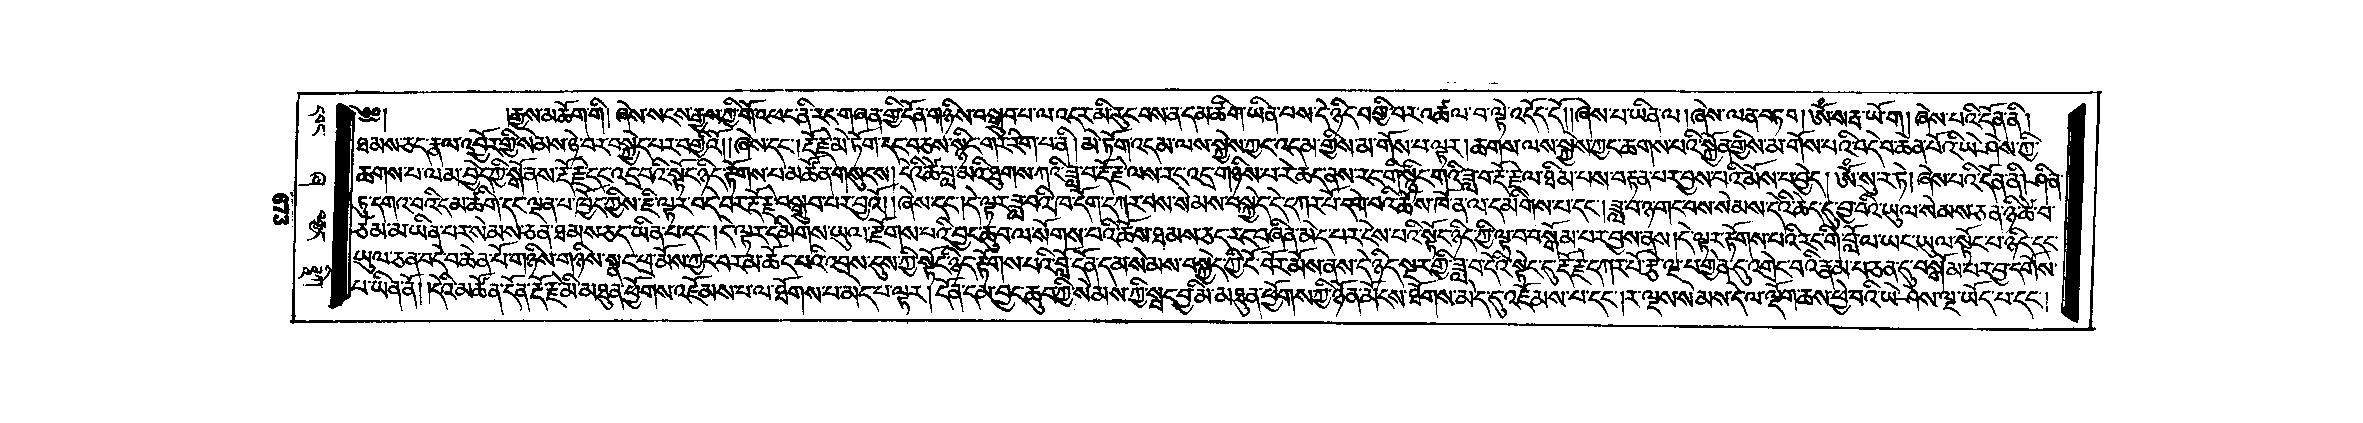༄༅། །རྒྱས་མཆོག་གི །ཞེས་སངས་རྒྱས་ཀྱི་གོ་འཕང་ནི་རང་གཞན་གྱི་དོན་གཉིས་བསྒྲུབ་པ་ལ་འདར་མི་རུང་བས་ན་དམ་ཚིག་ཡིན་པས་དེ་ཉིད་བགྱི་བར་འཚལ་བ་ལྟེ་འདོད་དོ། །ཞེས་པ་ཡིན་ལ། ཞེས་ལན་བཏབ། ཨོཾ་སརྦ་ཡོ་ག །ཞེས་པའི་དོན་ནི།
ཐམས་ཅད་རྣལ་འབྱོར་གྱི་སེམས་ཉེ་བར་བསྐྱེད་པར་བགྱིའོ། །ཞེས་དང་། རྡོ་རྗེ་མེ་ཏོག་དང་བཅས་སྙིང་གར་རིག་པ་ནི། མེ་ཏོག་འདམ་ལས་སྐྱེས་ཀྱང་འདམ་གྱིས་མ་གོས་པ་ལྟར། ཆགས་ལས་སྐྱེས་ཀྱང་ཆགས་པའི་སྐྱོན་གྱིས་མ་གོས་པའི་བདེ་བ་ཆེན་པོའི་ཡེ་ཤེས་ཀྱི་
ཆགས་པ་ལམ་བྱེད་ཀྱི་སྒོ་ནས་རྡོ་རྗེ་དང་འདྲ་བའི་སྟོང་ཉིད་རྟོགས་པ་མཚོན་གསུངས། དེའི་ཚེ་བླ་མའི་ཐུགས་ཀའི་ཟླ་བ་རྡོ་རྗེ་ལས་རང་འདྲ་གཉིས་པ་རེ་ཆད་ནས་རང་གི་སྙིང་གའི་ཟླ་བ་རྡོ་རྗེ་ལ་ཐིམ་པས་བརྟན་པར་བྱས་པའི་མོས་པ་བྱེད། ཨོཾ་སུ་ར་ཏེ། ཞེས་པའི་དོན་ནི། ཤིན་
ཏུ་དགའ་བའི་དམ་ཚིག་དང་ལྡན་པ་ཁྱོད་ཀྱིས་ཇི་ལྟར་བདེ་བར་རྡོ་རྗེ་བསྒྲུབ་པར་བྱའོ། །ཞེས་དང་། དེ་ལྟར་ཟླ་བའི་ཁ་དོག་དཀར་བས་སེམས་བསྐྱེད་དེ་དཀར་པོ་དགེ་བའི་ཆོས་ཁོ་ན་ལ་དམིགས་པ་དང་། ཟླ་བ་ཉ་གང་བས་སེམས་དེའི་ཆེད་དུ་བྱ་བའི་ཡུལ་སེམས་ཅན་ཉི་ཚེ་བ་
ཙམ་མ་ཡིན་པར་སེམས་ཅན་ཐམས་ཅད་ཡིན་པ་དང་། དེ་ལྟར་དམིགས་ཡུལ་རྫོགས་པའི་བྱང་ཆུབ་ལ་སོགས་པའི་ཆོས་ཐམས་ཅད་རང་བཞིན་མེད་པར་ངེས་པའི་སྟོང་ཉིད་ཀྱི་ལྟ་བ་བསྒོམ་པར་བྱས་ནས། དེ་ལྟར་རྟོགས་པའི་རང་གི་བློ་ལ་ཡང་ཡུལ་སྟོང་པ་ཉིད་དང་
ཡུལ་ཅན་བདེ་བ་ཆེན་པོ་གཉིས་གཉིས་སྣང་ཕྲ་མོས་ཀྱང་བར་མ་ཆོད་པའི་འབྲས་དུས་ཀྱི་སྟོང་ཉིད་རྟོགས་པའི་བློ་དོན་དམ་སེམས་བསྐྱེད་ཀྱི་ངོ་བོར་མོས་ནས་དེ་ཉིད་སྔར་གྱི་ཟླ་བ་དེའི་སྟེང་དུ་རྡོ་རྗེ་དཀར་པོ་རྩེ་ལྔ་པ་གྱེན་དུ་འགྲེང་བའི་རྣམ་པ་ཅན་དུ་བསྒོམ་པར་བྱ་དགོས་
པ་ཡིན་ནོ། །དེའི་མཚོན་དོན་རྡོ་རྗེ་མི་མཐུན་ཕྱོགས་འཇོམས་པ་ལ་ཐོགས་པ་མེད་པ་ལྟར། དོན་དམ་བྱང་ཆུབ་ཀྱི་སེམས་ཀྱི་སྤང་བྱ་མི་མཐུན་ཕྱོགས་ཀྱི་ཉོན་མོངས་ཐོགས་མེད་དུ་འཇོམས་པ་དང་། ར་ལྔས་སེམས་དེ་ལ་ལྡོག་ཆས་ཕྱེ་བའི་ཡེ་ཤེས་ལྔ་ཡོད་པ་དང་།